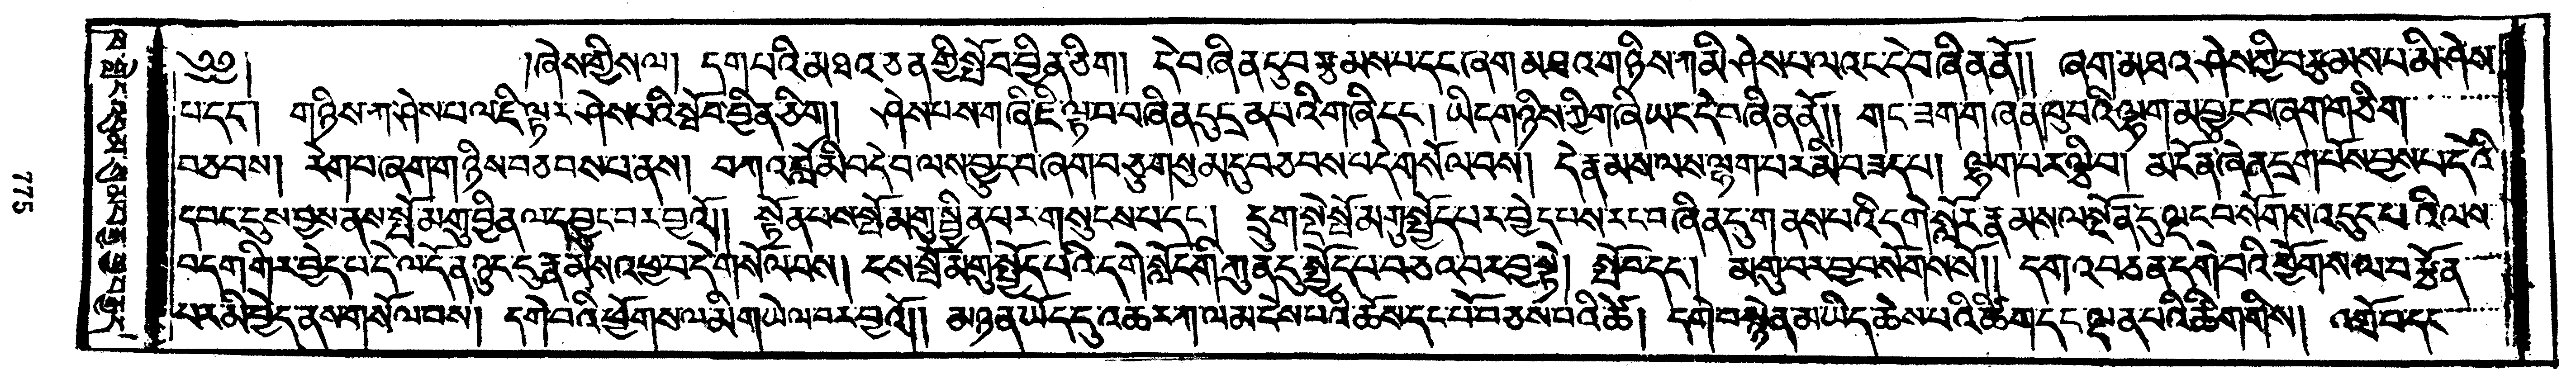༄༅། །ཞེས་གྱིས་ལ། དག་པའི་མཐའ་ཅན་གྱི་སྤོ་བ་བྱིན་ཅིག། དེ་བཞིན་དུ་བརྩམས་པ་དང་ཞག་མཐའ་གཉིས་ཀ་མི་ཤེས་པ་ལའང་དེ་བཞིན་ནོ།། ཞག་མཐའ་ཤེས་ཀྱི་བརྩམས་པ་མི་ཤེས་
པ་དང་། གཉིས་ཀ་ཤེས་པ་ལ་ཇི་ལྟར་ཤེས་པའི་སྤོ་བ་བྱིན་ཅིག། ཤེས་པས་གཞི་ཇི་ལྟ་བ་བཞིན་དུ་དྲན་པའི་གཞི་དང་། ཡིད་གཉིས་ཀྱི་གཞི་ཡང་དེ་བཞིན་ནོ།། གང་ཟག་གཞན་ཁུ་བའི་ལྷག་མ་བྱུང་བ་ཞག་གཅིག་
བཅབས། རེག་བ་ཞག་གཉིས་བཅབས་པ་ནས། བཀའ་བློ་མི་བདེ་བ་ལས་བྱུང་བ་ཞག་བཅུ་གསུམ་དུ་བཅབས་པ་དེ་གསོལ་བས། དེ་རྣམས་ལས་ལྷག་པར་མི་བཟད་པ། ལྷག་པར་ལྕིབ། མངོན་ཞེན་དྲག་པོས་བྱས་པ་དེའི་
དབང་དུས་བྱས་ནས་སྤོ་མགུ་བྱིན་ལ་དབྱུང་བར་བྱའོ།། སྟོན་པས་སྤོ་མགུ་སྦྱིན་པར་གསུངས་པ་དང་། དྲུག་སྡེ་སྤོ་མགུ་སྤྱོད་པར་བྱེད་པས་རང་བཞིན་དུ་གནས་པའི་དགེ་སློར་རྣམས་ལ་སྔོན་དུ་ལྡང་བ་སོགས་འདུད་པའི་ལས་
བདག་གིར་བྱེད་པ་དེ་ལ་དོན་ཉུང་དུ་རྣམས་འཕྱ་བ་དེ་གསོལ་བས། ངས་སྤོ་མགུ་སྤྱོད་པའི་དགེ་སློང་གི་ཀུན་དུ་སྤྱོད་པ་བཅའ་བར་བྱ་སྟེ། སྤོ་བ་དང་། མགུ་བར་བྱ་བ་སོགས་སོ།། དགའ་བཅན་དགེ་བའི་ཕྱོགས་ལ་བརྩོན་
པར་མི་བྱེད་ནས་གསོལ་བས། དགེ་བའི་ཕྱོགས་ལ་མི་གཡེལ་བར་བྱའོ།། མཉན་ཡོད་དུ་འཆར་ཀ་ལ་མ་ངེས་པའི་ཆོས་དང་པོ་བཅས་པའི་ཚེ། དགེ་བསྙེན་མ་ཡིད་ཆེས་པའི་ཚིག་དང་ལྡན་པའི་ཚིག་གིས། འགྲོ་བ་དང་